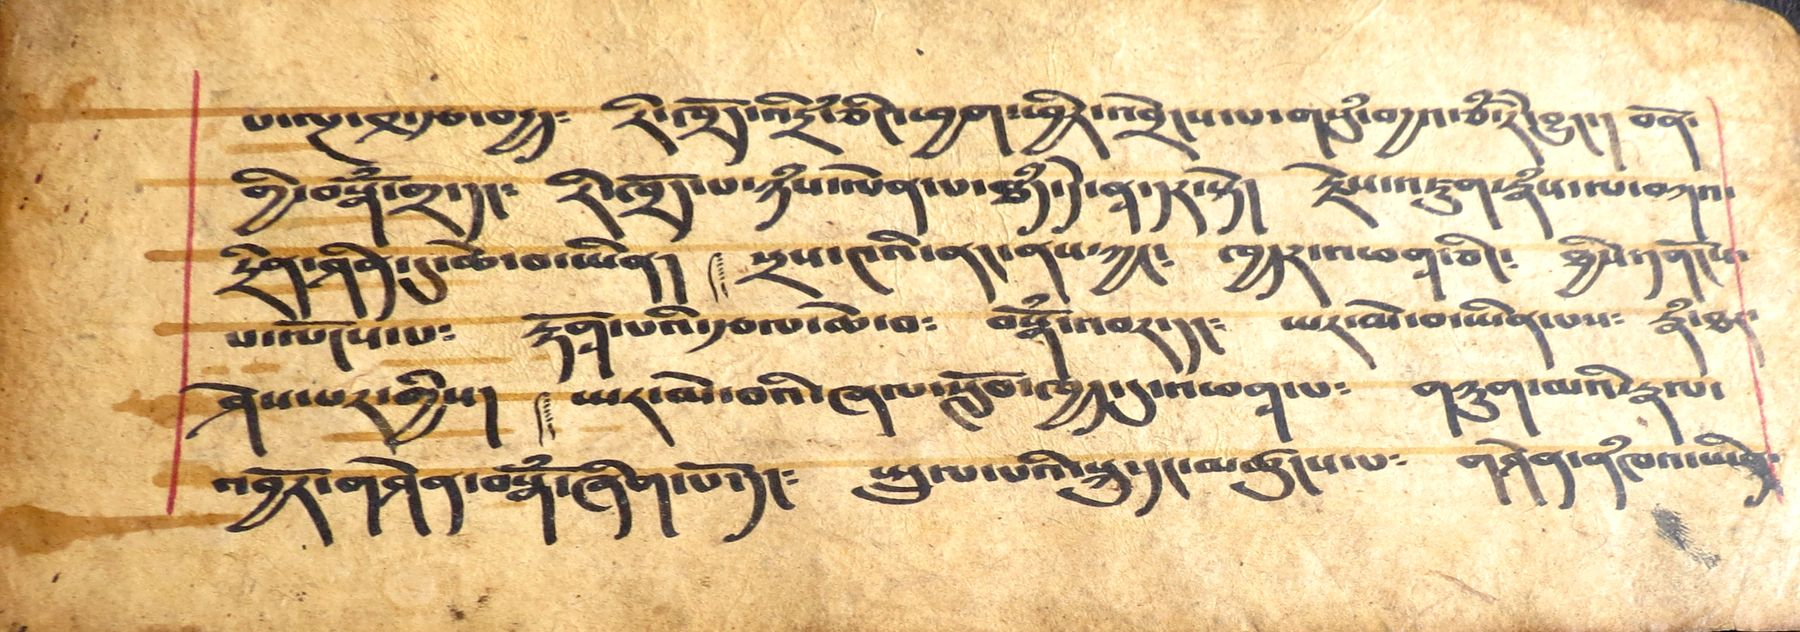པ། ༼ཀུན་བཟང་གནས་བརྟན། སྐལ་བསྟན་ཐུགས་སྟོན། ༽ལྔ་བཅུ་རྩ་བརྒྱད། རི་ཁྲོད་འགྲིམ་ཞིང་ཕྱག་ཕྱིར་འབྲེང་བ་གསུམ་བརྒྱ་ཙམ་རེ་བྱུང་སྟེ། བོན་
གྱི་སྒོམ་གྲྭ་དང་རི་ཁྲོད་པ་ཉམས་ལེན་པ་ཐམས་ཅད་དེ་ནས་དར་ཏེ། རྗེས་འཇུག་རྣམས་ལ་བཀའ་
དྲིན་ཤིན་ཏུ་ཆེ་བ་ཡིན། སྲས་བཞིའི་ནང་ནས་ཁྱད་པར་འཕགས་ཤིང་ཐུགས་ཀྱི་དགོངས་
པ་ལོན་པ། རྟོགས་པའི་རྩལ་ཆེ་བ། སྒོམ་ཆེན་འབར་བ་དང་ཡར་མེ་བ་གཉིས་ཡིན་པས། རྣམ་ཐར་
ཤེས་པར་གྱིས་ཤིག། ཡར་མེའི་ཞལ་སློབ་ཁྱད་དུ་འཕགས་པ་གཉུག་མའི་རྣམ་
འབྱོར་གཤེན་སྒོམ་ཞིག་པོ་དང་། སྤྲུལ་པའི་སྐུ་དང་མཚུངས་པ་གཤེན་ནམ་མཁའ་ཡིན་